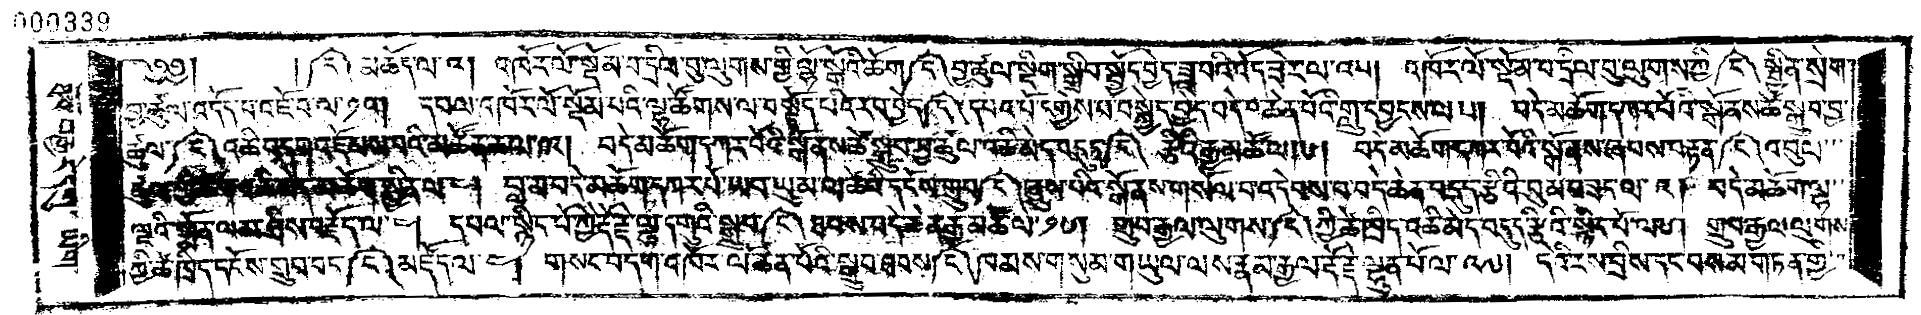༄༅། །༼ང༽ མཆོད་ལ ༢། འཁོར་ལོ་སྡོམ་པ་དྲིལ་བུ་ལུགས་གྱི་ལྷོ་སྒོའི་ཆོ་ག ༼ང༽ བྱ་ཚུལ་སྡིག་སྒྲིབ་སྤྱོད་བྱེད་ཟླ་བའི་འོད་ཟེར་ལ་བབ། འཁོར་ལོ་སྡོམ་པ་དྲིལ་བུ་ལུགས་ཀྱི ༼ང༽ སྦྱིན་སྲེག་
བྱ་ཚུལ་འདོད་པ་འཇོ་བ་ལ ༡༢། དཔལ་འཁོར་ལོ་སྡོམ་པའི་ལྷ་ཚོགས་ལ་བསྟོད་པའི་རབ་བྱེད ༼ང༽ དཔའ་བོ་དགྱེས་པ་བསྐྱེད་བྱེད་བདེ་བ་ཆེན་པོའི་གླུ་དབྱངས་ལ ༥། བདེ་མཆོག་དཀར་པོའི་སྒོ་ནས་ཚེ་སྒྲུབ་བྱ་
ཚུལ ༼ང༽ འཆི་བདག་འཇོམས་པའི་མཚོན་ཆ་ལ ༣། བདེ་མཆོག་དཀར་བོའི་སྒོ་ནས་ཚེ་སྒྲུབ་བྱ་ཚུལ་འཆི་མེད་བདུད ༼ང༽ རྩིའི་རྒྱ་མཚོ་ལ ༦། བདེ་མཆོག་དཀར་བོའི་སྒོ་ནས་ཞབས་བརྟན ༼ང༽ འབུལ་
ཚུལ་གྱི་ཆོ་ག་འཆི་མེད་མཆོག་སྦྱིན་ལ ༤། བླ་མ་བདེ་མཆོག་དཀར་པོ་ཡབ་ཡུམ་ལ་ཚེའི་དངོས་གྲུབ ༼ང༽ ཞུས་པའི་སྒོ་ནས་གསོལ་བ་འདེབས་བ་བདེ་ཆེན་བདུད་རྩིའི་བུམ་བཟང་ལ ༢། བདེ་མཆོག་ལྷ་
ལྔའི་སྨོན་ལམ་ཤིས་བརྗོད་ལ ༤། དཔལ་སྙིང་པོ་ཀྱེ་རྡོ་རྗེ་ལྷ་དགུའི་སྒྲུབ ༼ང༽ ཐབས་བདེ་ཆེན་རྒྱ་མཚོ་ལ ༡༦། གྲུབ་རྒྱལ་ལུགས ༼ང༽ ཀྱི་ཚེ་ཁྲིད་འཆི་མེད་བདུད་རྩིའི་སྙིང་པོ་ལ ༧། གྲུབ་རྒྱལ་ལུགས་
ཀྱི་ཚེ་ཁྲིད་དངོས་གྲུབ་བང ༼ང༽ མཛོད་ལ ༤། གསང་བདག་འཁོར་ལོ་ཆེན་པོའི་སྒྲུབ་ཐབས ༼ང༽ ཁམས་གསུམ་གཡུལ་ལས་རྣམ་རྒྱལ་རྡོ་རྗེ་ལྷུན་པོ་ལ ༢༧། དེའི་རས་བྲིས་དང་བསམ་གཏན་གྱི་